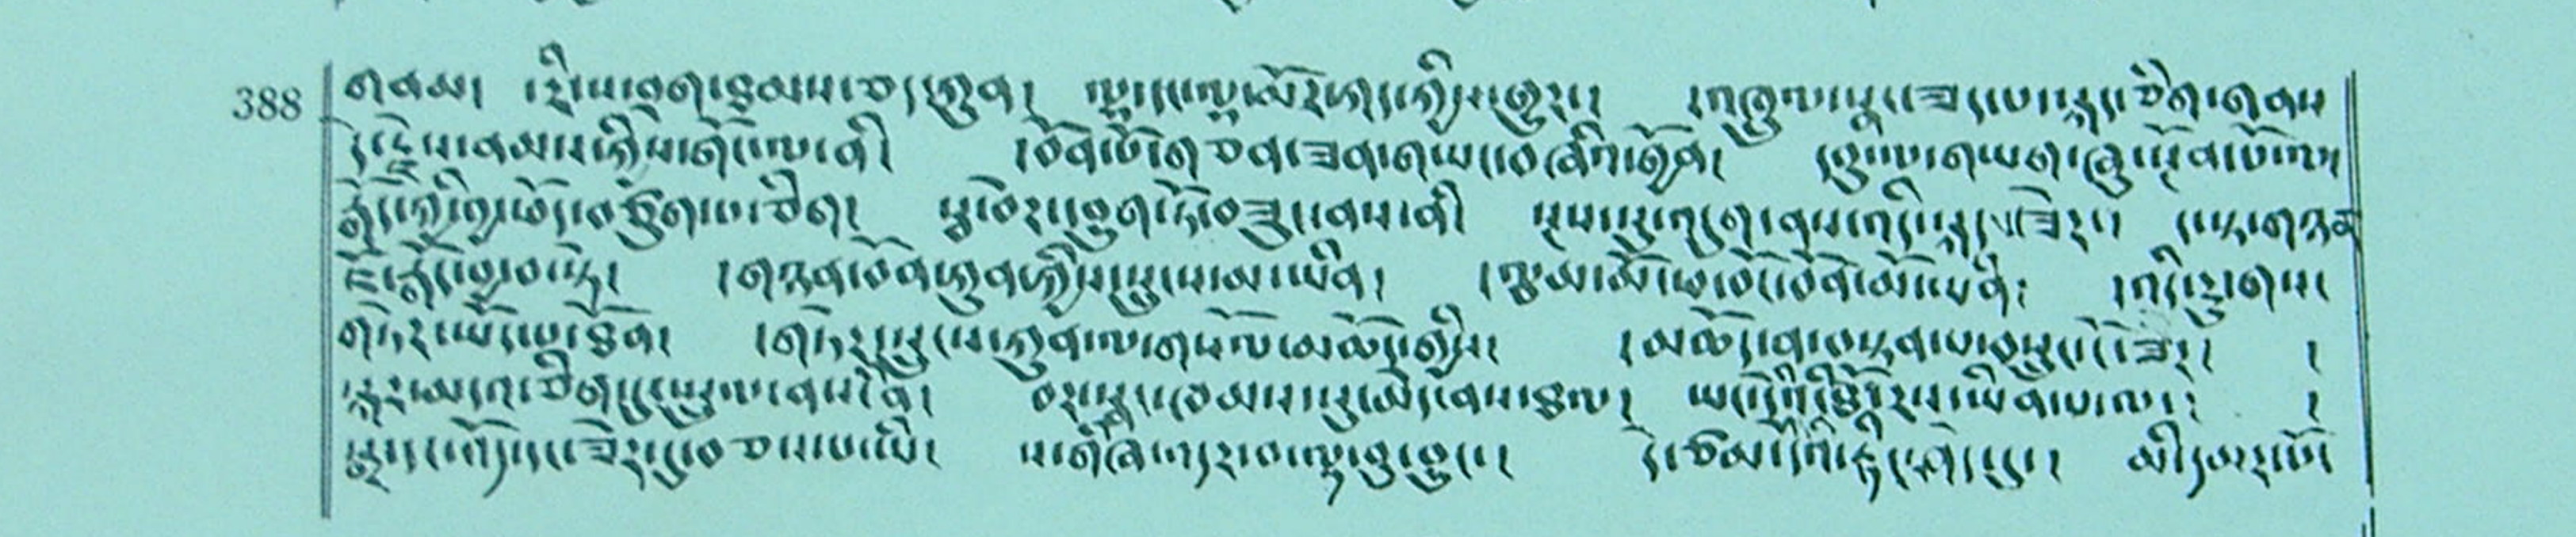གནམ་རི་ས་བྲག་ཐམས་ཅད་ཀུན། ལྷ་དང་ལྷ་མོར་ཀད་ཀྱིས་གྱུར། འཁྲུལ་སྣང་ཟད་པ་སྐད་ཅིག་གནས། 
དེ་རྗེས་ནམས་ཀྱིས་གོང་ལ་ནི། བོན་པོ་གཅན་ཟན་གཡང་གཞིའ་གྱོན། དབུ་ལ་གཡག་ཞུ་སྔོན་པོ་ལ། 
རྒོད་ཀྱི་བྱ་ཕོད་བཙུགས་པ་ཅིག སྦ་བེར་དབྱུག་ཏོ་བཟུང་ནས་ནི། སྔས་སུ་འདུག་ནས་འདི་སྐད་ཟེར། ད་རྟ་གཉན་
ཇོ་རྒོད་བྱ་བ་སྟེ། གཉན་བོན་ཀུན་ཀྱིས་སྲུང་མ་ཡིན། ལྕམ་མོ་ཕ་བོང་བོན་མོ་ཡིན། འདི་རུ་གསང་
གཏེར་ཡོད་པ་ཐོན། གཏེར་བསྲུངས་ཀུན་ལ་གསོལ་མཆོད་གྱིས། མཆོད་ན་བསྟན་པ་བསྲུང་ངོ་ཟེར། 
སྐར་མདའ་ཅིག་ཏུ་སྤྲུལ་ནས་ནི། བར་སྣང་ཁམས་སུ་མེད་ནས་ཐལ། ཡང་དེའི་ཐོ་རངས་ཡིན་པ་ལ། 
སྒྲ་དང་འོད་དང་ཟེར་དུ་བཅས་པ་ཡིས། ས་གཞི་འདར་བ་ལྟ་བུ་བྱུང་། དེ་ཙམ་དེ་ཡི་རྟིང་ཤེད་དུ། མི་དམར་པོ་